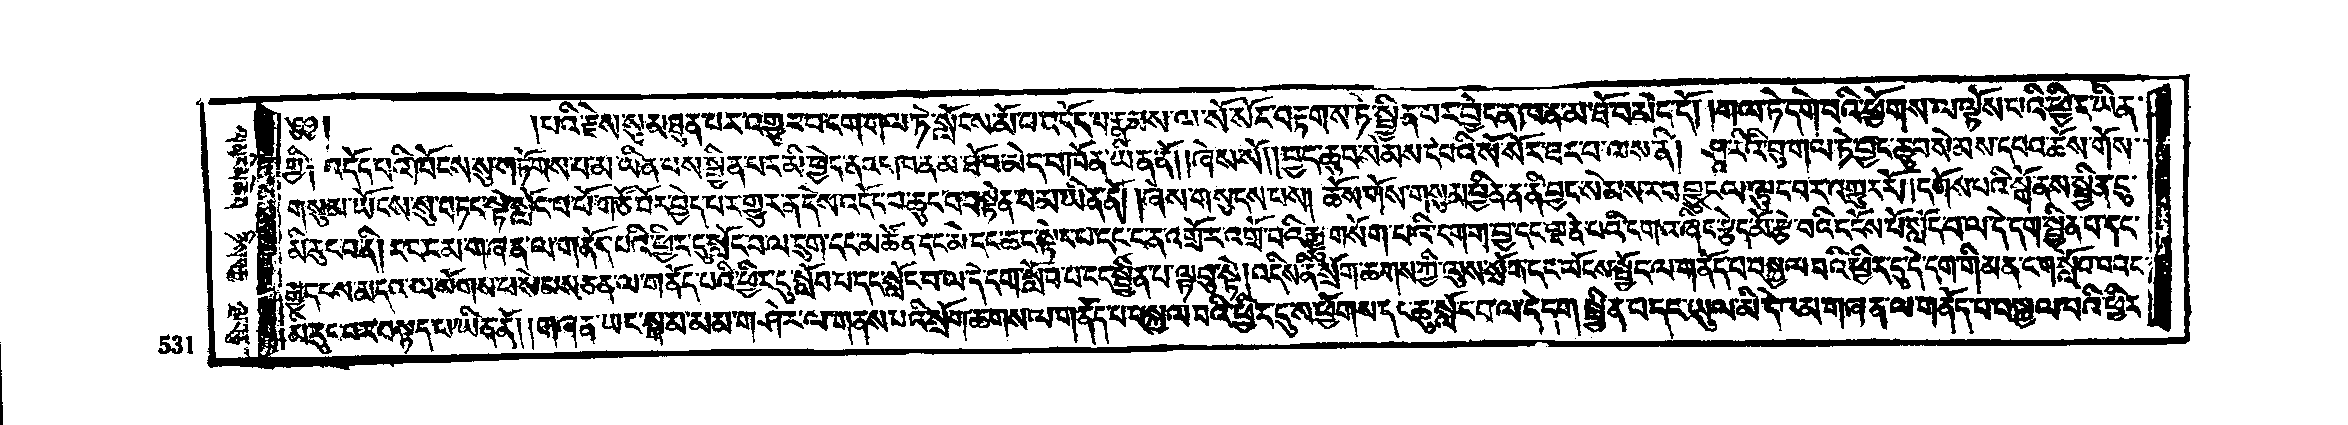༄༅། །པའི་རྗེས་སུ་མཐུན་པར་འགྱུར་བ་དག་གལ་ཏེ་སློངས་མོ་པ་འདོད་པ་རྣམས་ལ་སོ་སོར་བརྟགས་ཏེ་སྦྱིན་པར་བྱེད་ན་ཁ་ན་མ་ཐོ་བ་མེད་དོ། །གལ་ཏེ་དགེ་བའི་ཕྱོགས་ལ་ལྟོས་པའི་ཕྱིར་ཡིན་
གྱི༑ འདོད་པའི་ཁོངས་སུ་གཏོགས་པ་མ་ཡིན་པས་སྦྱིན་པར་མི་བྱེད་ནའང་ཁ་ན་མ་ཐོ་བ་མེད་པ་ཁོ་ན་ཡིན་ནོ། །ཞེས་སོ། །བྱང་ཆུབ་སེམས་དཔའི་སོ་སོར་ཐར་པ་ལས་ནི། ཤཱ་རིའི་བུ་གལ་ཏེ་བྱང་ཆུབ་སེམས་དཔའ་ཆོས་གོས་
གསུམ་ཡོངས་སུ་བཏང་སྟེ་སློང་བ་པོ་གཙོ་བོར་བྱེད་པར་གྱུར་ན་དེས་འདོད་པ་ཆུང་བ་བསྟེན་པ་མ་ཡིན་ནོ། །ཞེས་གསུངས་པས། ཆོས་གོས་གསུམ་བྱིན་ན་ནི་བྱང་སེམས་རབ་བྱུང་ལ་ལྟུང་བར་འགྱུར་རོ། །དགོས་པའི་སྒོ་ནས་སྦྱིན་དུ་
མི་རུང་བ་ནི། རང་ངམ་གཞན་ལ་གནོད་པའི་ཕྱིར་དུ་སློང་བ་ལ་དུག་དང་མཚོན་དང་མེ་དང་ཆང་སྟེར་བ་དང་ངན་འགྲོར་འགྲོ་བའི་རྒྱུ་གསོག་པའི་དགག་བྱ་དང་ལྡན་པའི་དགའ་ཞིང་རྩེད་མོ་རྩེ་བའི་དངོས་པོ་སློང་བ་ལ་དེ་དག་སྦྱིན་པ་དང་
རྒྱ་དང་ས་མདའ་ལ་སོགས་པ་སེམས་ཅན་ལ་གནོད་པའི་ཕྱིར་དུ་སློབ་པ་དང་སློང་བ་ལ་དེ་དག་སློབ་པ་དང་སྦྱིན་པ་ལྟ་བུ་སྟེ། འདིས་ནི་སྲོག་ཆགས་ཀྱི་ལུས་སྲོག་དང་ལོངས་སྤྱོད་ལ་གནོད་པ་བསྐྱལ་བའི་ཕྱིར་དུ་དེ་དག་གི་མན་ངག་སློབ་པའང་
མི་རུང་བར་བསྟན་པ་ཡིན་ནོ། །གཞན་ཡང་སྐམ་མམ་གཤེར་ལ་གནས་པའི་སྲོག་ཆགས་ལ་གནོད་པ་བསྐྱལ་བའི་ཕྱིར་དུ་ས་ཕྱོགས་དང་ཆུ་སློང་བ་ལ་དེ་དག་སྦྱིན་པ་དང་ཡུལ་མི་དེའམ་གཞན་ལ་གནོད་པ་བསྐྱལ་བའི་ཕྱིར་